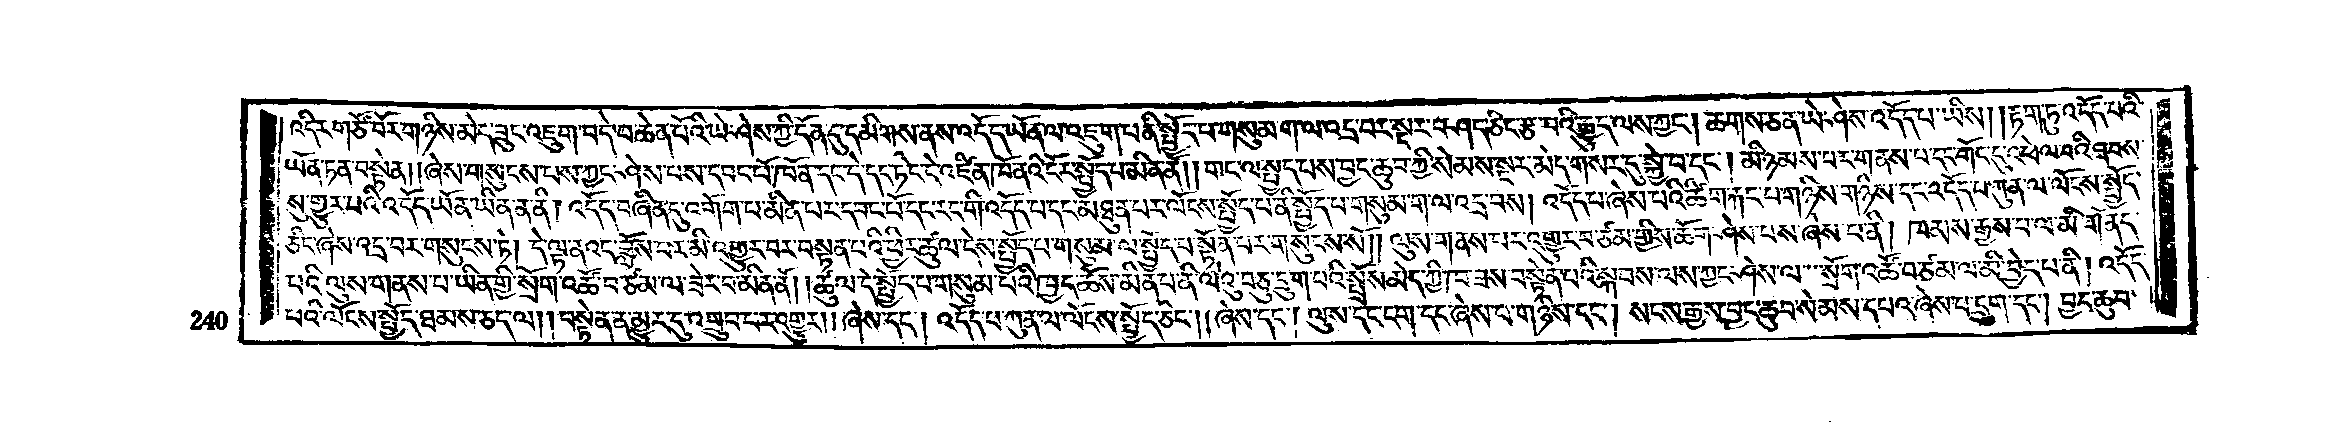འདིར་གཙོ་བོར་གཉིས་མེད་ཟུང་འཇུག་བདེ་བ་ཆེན་པོའི་ཡེ་ཤེས་ཀྱི་དོན་དུ་དམིགས་ནས་འདོད་ཡོན་ལ་འཇུག་པ་ནི་སྤྱོད་པ་གསུམ་ག་ལ་འདྲ་བར་སྔར་བཤད་ཅིང་རྩ་བའི་རྒྱུད་ལས་ཀྱང་། ཆགས་ཅན་ཡེ་ཤེས་འདོད་པ་ཡིས། །རྟག་ཏུ་འདོད་པའི་
ཡོན་ཏན་བསྟེན། །ཞེས་གསུངས་པས་ཀྱང་ཤེས་པས་དབང་པོ་ཁོ་ན་དང་དེ་དང་ཏིང་ངེ་འཛིན་ཁོ་ནའི་ངོར་སྤྱོད་པ་མིན་ནོ། །གང་ལ་སྤྱད་པས་བྱང་ཆུབ་ཀྱི་སེམས་སྔར་མེད་གསར་དུ་སྐྱེ་བ་དང་། མི་ཉམས་པར་གནས་པ་དང་གོང་དུ་འཕེལ་བའི་ཐབས་
སུ་གྱུར་པའི་འདོད་ཡོན་ཡིན་ན་ནི། འདོད་བཞིན་དུ་འགོག་པ་མིན་པར་དབང་པོ་དང་རང་གི་འདོད་པ་དང་མཐུན་པར་ལོངས་སྤྱོད་པ་ནི་སྤྱོད་པ་གསུམ་ག་ལ་འདྲ་བས། འདོད་པ་ཞེས་པའི་ཚིག་རྐང་པ་གཉིས་གཉིས་དང་འདོད་པ་ཀུན་ལ་ལོངས་སྤྱོད་
ཅིང་ཞེས་འདྲ་བར་གསུངས་ཏེ། དེ་ལྟ་ནའང་ཟློས་པར་མི་འགྱུར་བར་བསྟན་པའི་ཕྱིར་ཚུལ་དེས་སྤྱོད་པ་གསུམ་ལ་སྤྱོད་པ་སྟོན་པར་གསུངས་སོ། །ལུས་གནས་པར་འགྱུར་བ་ཙམ་གྱིས་ཆོག་ཤེས་པས་ཞེས་པ་ནི། ཁམས་རྒྱས་པ་ལ་མི་གནོད་
པའི་ལུས་གནས་པ་ཡིན་གྱི་སྲོག་འཚོ་བ་ཙམ་ལ་ཟེར་བ་མིན་ནོ། །ཚུལ་དེ་སྤྱོད་པ་གསུམ་པའི་ཁྱད་ཆོས་མིན་པ་ནི་ལེའུ་བཅུ་དྲུག་པའི་སྤྲོས་མེད་ཀྱི་ཁ་ཟས་བསྟེན་པའི་སྐབས་ལས་ཀྱང་ཤེས་ལ་སྲོག་འཚོ་བ་ཙམ་ལ་མི་བྱེད་པ་ནི། འདོད་
པའི་ལོངས་སྤྱོད་ཐམས་ཅད་ལ། །བསྟེན་ན་མྱུར་དུ་འགྲུབ་པར་འགྱུར། །ཞེས་དང་། འདོད་པ་ཀུན་ལ་ལོངས་སྤྱོད་ཅིང་། །ཞེས་དང་། ལུས་དང་ངག་དང་ཞེས་པ་གཉིས་དང་། སངས་རྒྱས་བྱང་ཆུབ་སེམས་དཔའ་ཞེས་པ་དྲུག་དང་། བྱང་ཆུབ་